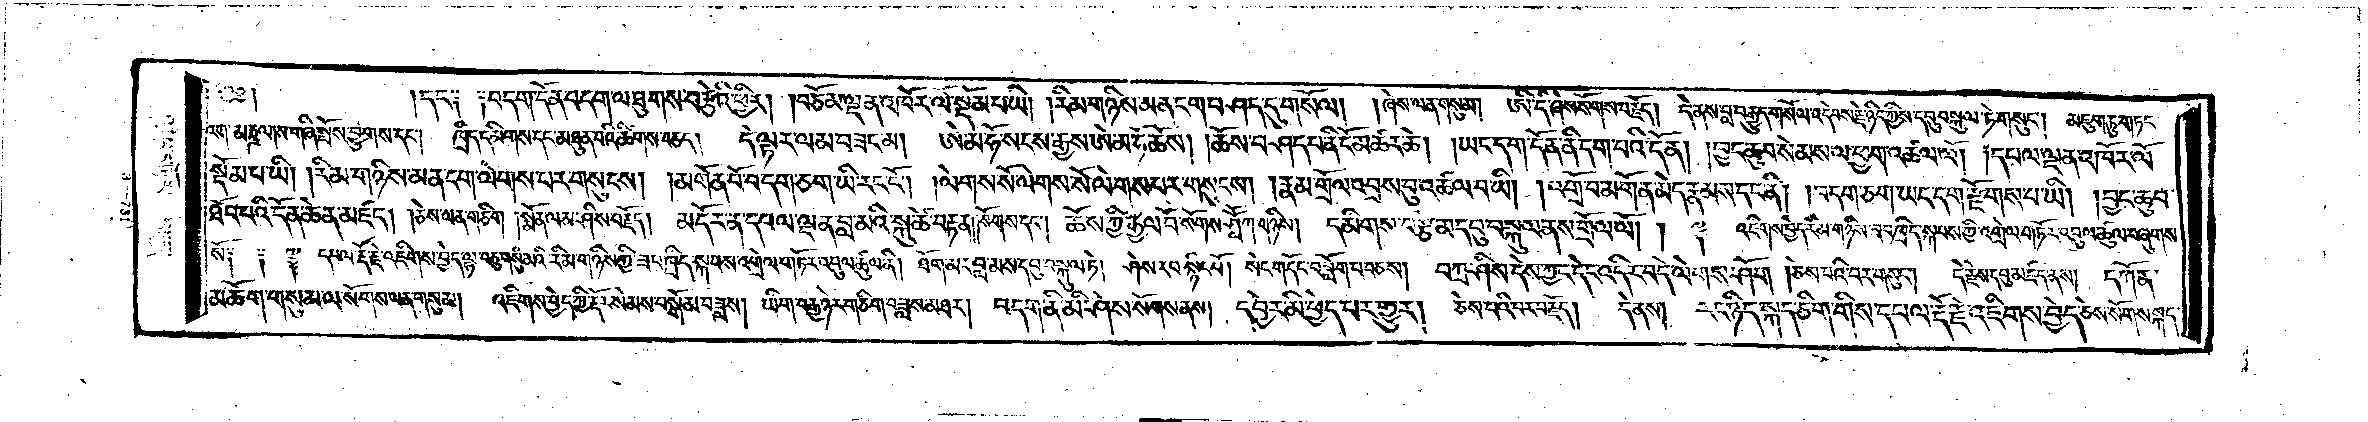༄༅། །དང༑ ༑བདག་དོན་བདག་ལ་ཐུགས་བརྩེའི་ཕྱིར། །བཅོམ་ལྡན་འཁོར་ལོ་སྡོམ་པ་ཡི། །རིམ་གཉིས་མན་ངག་བཤད་དུ་གསོལ། །ཞེས་ལན་གསུམ། ཨི་དི་ཞེས་སོགས་བརྗོད། དེ་ནས་བླ་བརྒྱུད་གསོལ་འདེབས་རྗེ་ཉིད་ཀྱིས་དབུ་བསྐུལ་ཏེ་གསུང་། མཇུག་ཏུ་གཏང་
འོག་མཎྜལ། ས་གཞི་སྤོས་བྱུགས་དང་། ཁྲིད་དམིགས་དང་མཐུན་བའི་ཚིགས་བཅད། དེ་ལྟར་ལམ་བཟང་མ། ཨེ་མ་ཧོ་སངས་རྒྱས་ཨེ་མ་ཧོ་ཆོས། །ཆོས་བཤད་པ་ནི་ངོ་མཚར་ཆེ། །ཡང་དག་དོན་ནི་དག་པའི་དོན། །བྱང་ཆུབ་སེམས་ལ་ཕྱག་འཚལ་ལོ། །དཔལ་ལྡན་འཁོར་ལོ་
སྡོམ་པ་ཡི། །རིམ་གཉིས་མན་ངག་ལེགས་པར་གསུངས། །མགོན་པོ་བདག་ཅག་ཡི་རང་ངོ། །ལེགས་སོ་ལེགས་སོ་ལེགས་པར་གསུངས། །རྣམ་གྲོལ་འབྲས་བུ་འཚལ་བ་ཡི། །འགྲོ་བ་མགོན་མེད་རྣམས་དང་ནི། །བདག་ཅག་ཡང་དག་རྫོགས་པ་ཡི། །བྱང་ཆུབ་
ཐོབ་པའི་དོན་ཆེན་མཛད། །ཅེས་ལན་གཅིག །སྨོན་ལམ་ཤིས་བརྗོད། མདོར་ན་དཔལ་ལྡན་བླ་མའི་སྐུ་ཚེ་བརྟན། །སོགས་དང་། ཆོས་ཀྱི་རྒྱལ་པོ་སོགས་ཤླཽ་ཀ་གཉིས། དམིགས་བརྩེ་མ་དབུ་བསྐུལ་ནས་གྲོལ་ལོ།། ༈ འཇིགས་བྱེད་རིམ་གཉིས་བབ་ཁྲིད་སྐབས་ཀྱི་འགྲེལ་གཏོར་འབུལ་ཚུལ་བཞུགས་
སོ༑ ༑ ༈ དཔལ་རྡོ་རྗེ་འཇིགས་བྱེད་ལྷ་བཅུ་གསུཾ་མའི་རིམ་གཉིས་ཀྱི་ཟབ་ཁྲིད་སྐབས་འགྲེལ་གཏོར་འབུལ་ཚུལ་ནི། ཐོག་མར་བླ་མས་དབུ་བསྐུལ་ཏེ། ཤེས་རབ་སྙིང་པོ། སེང་གདོང་བཟློག་པ་བཅས། བཀྲ་ཤིས་དེས་ཀྱང་དེང་འདིར་བདེ་ལེགས་ཤོག །ཅེས་པའི་བར་གསུང་། དེ་རྗེས་དབུ་མཛད་ནས། དཀོན་
མཆོག་གསུམ་ལ་སོགས་ལན་གསུམ། འཇིགས་བྱེད་ཀྱི་རྡོར་སེམས་བསྒོམ་བཟླས། ཡིག་བརྒྱ་ཉེར་གཅིག་བཟླས་མཐར། བདག་ནི་མི་ཤེས་སོགས་ནས། དབྱེར་མི་ཕྱེད་པར་གྱུར། ཅེས་པའི་བར་བརྗོད། དེ་ནས། རང་ཉིད་སྐད་ཅིག་གིས་དཔལ་རྡོ་རྗེ་འཇིགས་བྱེད་ཅེས་སོགས་སྐད་